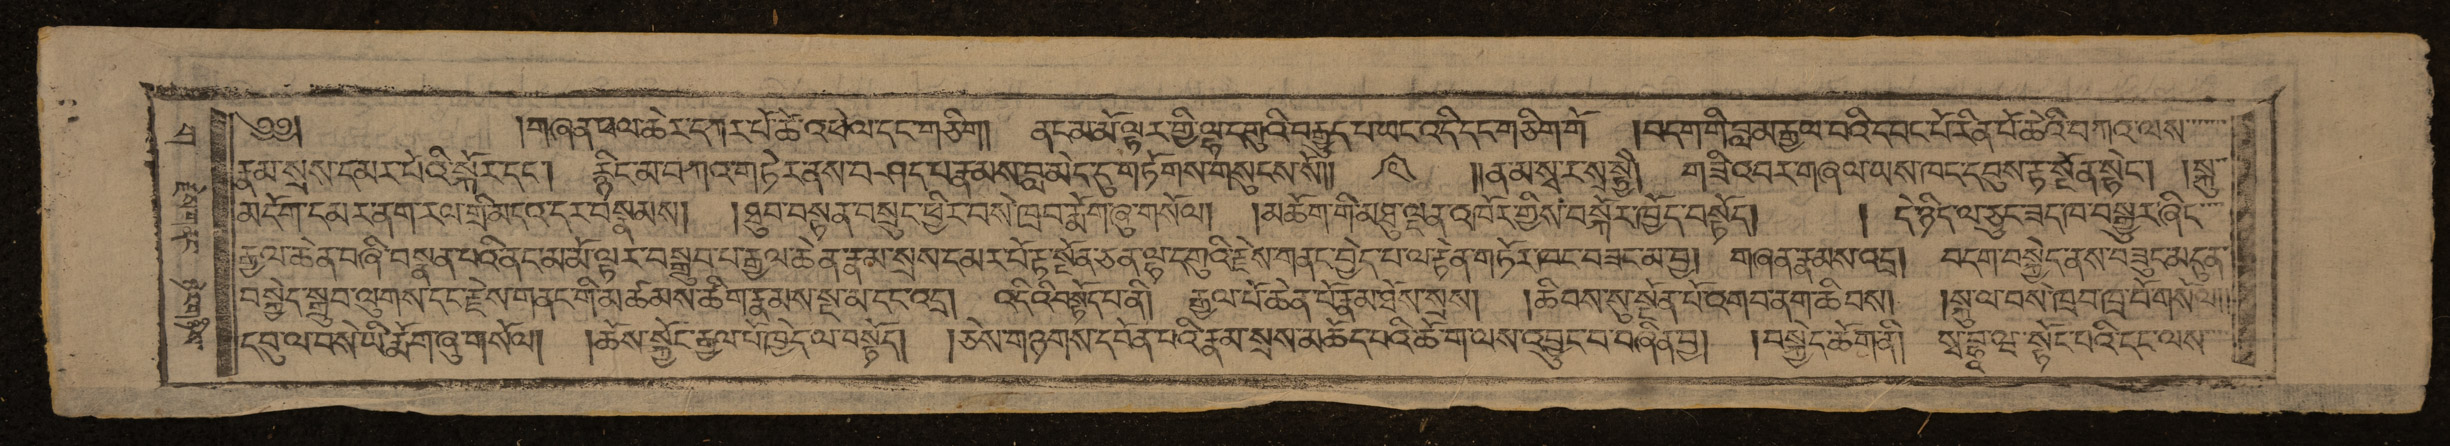༄༅། །གཞན་ཕལ་ཆེར་དཀར་པོ་ཚེ་འཕེལ་དང་གཅིག། ནང་མ་མོ་ལྟར་གྱི་ལྷ་དགུའི་བརྒྱུད་པ་ཡང་འདི་དང་གཅིག་གོ །བདག་གི་བླ་མ་རྒྱལ་བའི་དབང་པོ་རིན་པོ་ཆེའི་བཀའ་ལས་
རྣམ་སྲས་དམར་པོའི་སྐོར་དང་། རྙིང་མ་བཀའ་གཏེར་ནས་བཤད་པ་རྣམས་བླ་མེད་དུ་གཏོགས་གསུངས་སོ།། ༤?་།།ན་མ་སྭ་ར་སྲཤྱཻ། གཟི་འབར་གཞལ་ཡས་ཁང་དབུས་རྟ་སྔོན་སྟེང་། །སྐུ་
མདོག་དམར་ནག་རལ་གྲི་མདའ་དར་བསྣམས། །ཐུབ་བསྟན་བསྲུང་ཕྱིར་བསེ་ཁྲབ་རྨོག་ཞུ་གསོལ། །མཆོག་གི་མཐུ་ལྡན་འཁོར་གྱིས་བསྐོར་ཁྱོད་བསྟོད། །དེ་ཉིད་ལ་ཅུང་ཟད་ཁ་བསྒྱུར་ཞིང་
རྒྱལ་ཆེན་བཞི་བསྣན་པའི་ནང་མ་མོ་ལྟར་བསྒྲུབ་པ་རྒྱལ་ཆེན་རྣམ་སྲས་དམར་པོ་རྟ་སྔོན་ཅན་ལྷ་དགུའི་རྗེས་གནང་བྱེད་པ་ལ་རྟེན་གཏོར་ཁང་བཟང་མ་བྱ། གཞན་རྣམས་འདྲ། བདག་བསྐྱེད་ནས་བཟུང་མདུན་
བསྐྱེད་སྒྲུབ་ལུགས་དང་རྗེས་གནང་གི་མཚམས་ཚིག་རྣམས་སྔ་མ་དང་འདྲ། འདིའི་བསྟོད་པ་ནི། རྒྱལ་པོ་ཆེན་པོ་རྣམ་ཐོས་སྲས། །ཆིབས་སུ་སྔོན་པོ་འགབ་ནག་ཆིབས། །སྐུལ་བས་ཁྲབ་ཁྲ་བོ་གསོལ།།
དབུ་ལ་བསེ་ཡི་རྨོག་ཞུ་གསོལ། །ཆོས་སྐྱོང་རྒྱལ་པོ་ཁྱེད་ལ་བསྟོད། །ཅེས་གཉགས་དབོན་པའི་རྣམ་སྲས་མཆོད་པའི་ཆོ་ག་ལས་འབྱུང་བ་བཞིན་བྱ། །བསྐྱེད་ཆོ་ག་ནི། སྭ་བྷཱ་ཝ་སྟོང་པའི་དང་ལས་